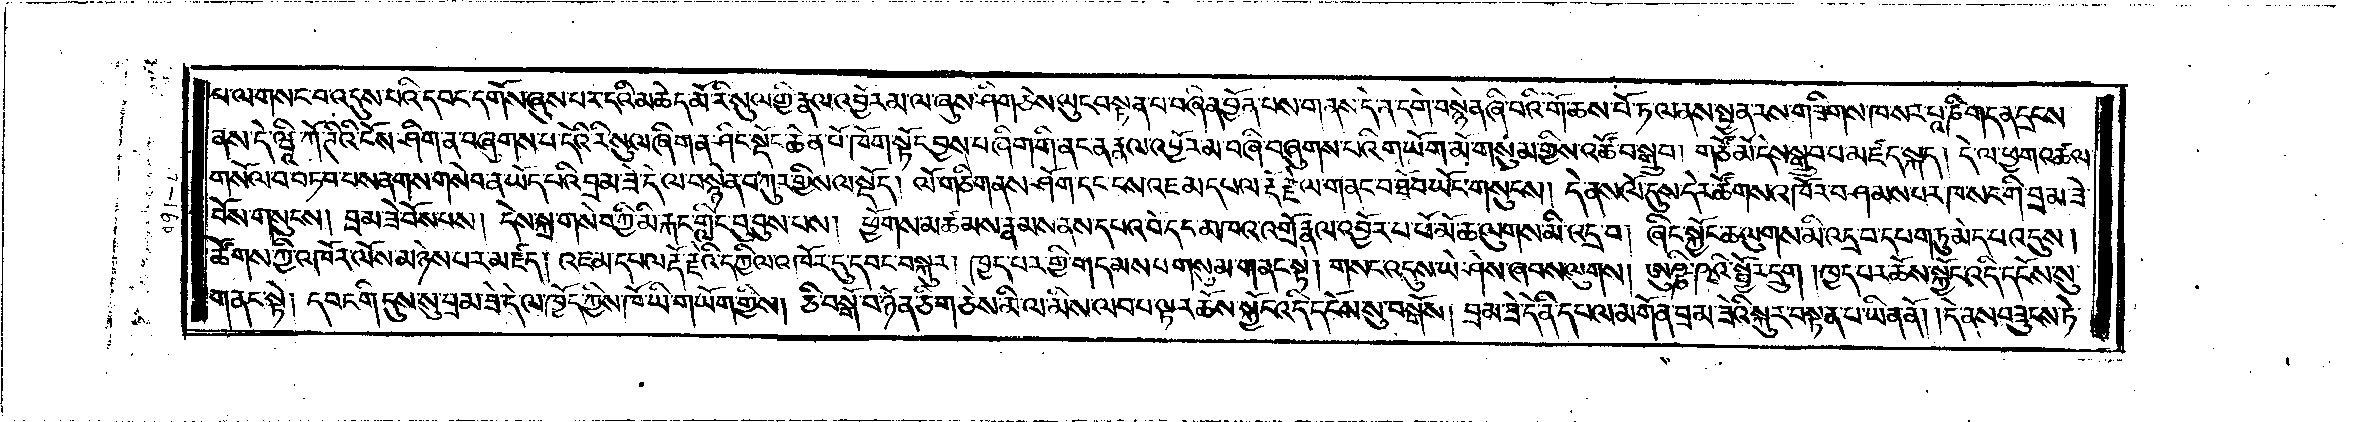པ་ལ་གསང་བ་འདུས་པའི་དབང་དགོས་ཞུས་པར་ངའི་མཆེད་མོ་རི་སུལ་གྱི་རྣལ་འབྱོར་མ་ལ་ཞུས་ཤིག་ཅེས་ལུང་བསྟན་པ་བཞིན་བྱོན་བས་གནས་དེ་ན་དགེ་བསྙེན་ཞི་བའི་གོ་ཆས་པོ་ཏ་ལ་ནས་སྤྱན་རས་གཟིགས་ཁ་སར་པཱ་ཎི་གདན་དྲངས་
ནས་དེ་ཝཱི་ཀོ་ཊིའི་ངོས་ཤིག་ན་བཞུགས་པ་དེའི་རི་སུལ་ཞིག་ན་ཤིང་སྡོང་ཆེན་པོ་ཁོག་སྟོང་བྱས་པ་ཞིག་གི་ནང་ན་རྣལ་འབྱོར་མ་བཞི་བཞུགས་པའི་གཡོག་མོ་གསུམ་གྱིས་འཚོ་བ་སྒྲུབ། གཙོ་མོ་དེས་སྒྲུབ་པ་མཛད་སྐད། དེ་ལ་ཕྱག་འཚལ་
གསོལ་བ་བཏབ་པས་ནགས་གསེབ་ན་ཡོད་པའི་བྲམ་ཟེ་དེ་ལ་བསྙེན་བཀུར་གྱིས་ལ་སྡོད། ལོ་གཅིག་ནས་ཤོག་དང་ངས་འཇམ་དཔལ་རྡོ་རྗེ་ལ་གནང་བ་ཐོབ་ཡོང་གསུངས། དེ་ནས་ལོ་དུས་དེར་ཚོགས་འཁོར་བཤམས་པར་ཁ་སང་གི་བྲམ་ཟེ་
བོས་གསུངས། བྲམ་ཟེ་བོས་པ། དེས་སྐྲ་གསེབ་ཀྱི་མི་རྐང་གླིང་བུ་བུས་པས། ཕྱོགས་མཚམས་རྣམས་ནས་དཔལ་བོ་དང་མཁའ་འགྲོ་རྣལ་འབྱོར་པ་ཕོ་མོ་ཆ་ལུགས་མི་འདྲ་བ། ཞིང་སྐྱོང་ཆ་ལུགས་མི་འདྲ་བ་དཔག་ཏུ་མེད་པ་འདུས།
ཚོགས་ཀྱི་འཁོར་ལོས་མཉེས་པར་མཛད། འཇམ་དཔལ་རྡོ་རྗེའི་དཀྱིལ་འཁོར་དུ་དབང་བསྐུར། ཁྱད་པར་གྱི་གདམས་པ་གསུམ་གནང་སྟེ། གསང་འདུས་ཡེ་ཤེས་ཞབས་ལུགས། ཨུཥྞི་ཥའི་སྦྱོར་དྲུག །ཁྱད་པར་ཆོས་སྐྱོང་འདི་དངོས་སུ་
གནང་སྟེ། དབང་གི་དུས་སུ་བྲམ་ཟེ་དེ་ལ་ཁྱོད་ཀྱིས་ཁོ་ཡི་གཡོག་གྱིས། ཅི་བསྒོ་བ་ཉོན་ཅིག་ཅེས་མི་ལ་མིས་ལབ་པ་ལྟར་ཆོས་སྐྱོང་འདི་དངོས་སུ་བསྒོས། བྲམ་ཟེ་དེ་ནི་དཔལ་མགོན་བྲམ་ཟེའི་སྐུར་བསྟན་པ་ཡིན་ནོ། །དེ་ནས་བཟུངས་ཏེ་